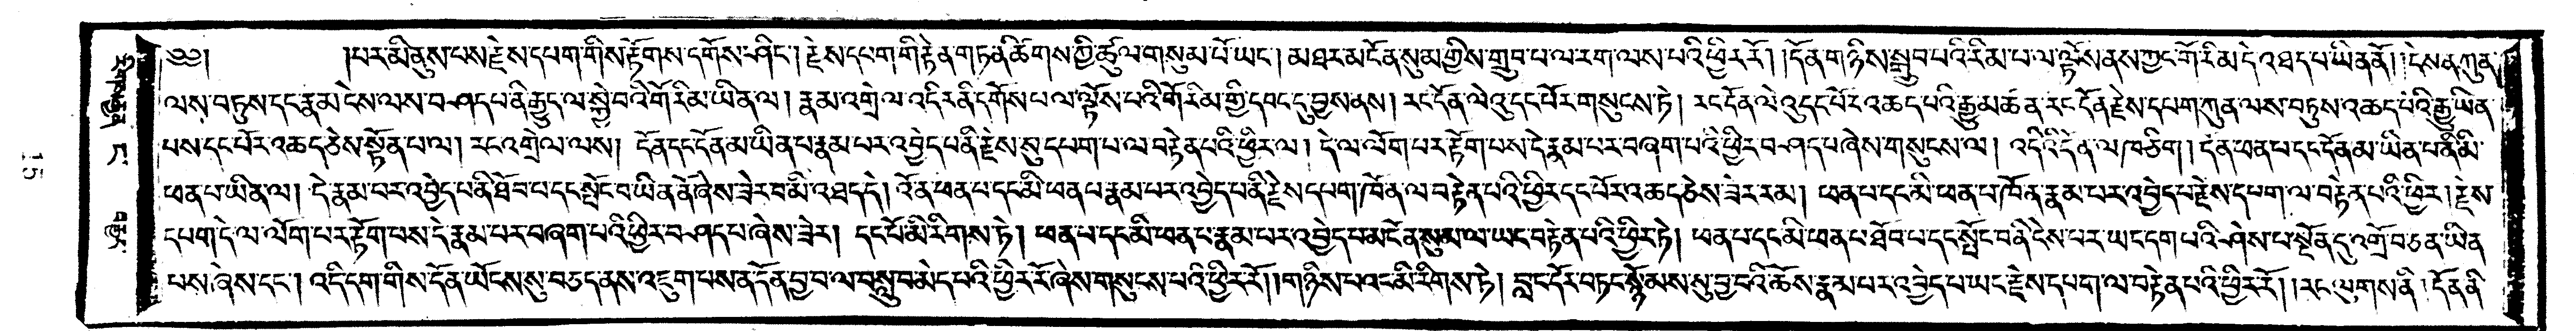༄༅། །པར་མི་ནུས་པས་རྗེས་དཔག་གིས་རྟོགས་དགོས་ཤིང་། རྗེས་དཔག་གི་རྟེན་གཏན་ཚིགས་ཀྱི་ཚུལ་གསུམ་པོ་ཡང་། མཐར་མངོན་སུམ་གྱིས་གྲུབ་པ་ལ་རག་ལས་པའི་ཕྱིར་རོ། །དོན་གཉིས་སྒྲུབ་པའི་རིམ་པ་ལ་ལྟོས་ནས་ཀྱང་གོ་རིམ་དེ་འཐད་པ་ཡིན་ནོ། །དེས་ན་ཀུན་
ལས་བཏུས་དང་རྣམ་ངེས་ལས་བཤད་པ་ནི་རྒྱུད་ལ་སྐྱེ་བའི་གོ་རིམ་ཡིན་ལ། རྣམ་འགྲེལ་འདིར་ནི་དགོས་པ་ལ་ལྟོས་པའི་གོ་རིམ་གྱི་དབང་དུ་བྱས་ནས། རང་དོན་ལེའུ་དང་པོར་གསུངས་ཏེ། རང་དོན་ལེའུ་དང་པོར་འཆད་པའི་རྒྱུ་མཚན་རང་དོན་རྗེས་དཔག་ཀུན་ལས་བཏུས་འཆད་པའི་རྒྱུ་ཡིན་
པས་དང་པོར་འཆད་ཅེས་སྟོན་པ་ལ། རང་འགྲེལ་ལས། དོན་དང་དོན་མ་ཡིན་པ་རྣམ་པར་འབྱེད་པ་ནི་རྗེས་སུ་དཔག་པ་ལ་བརྟེན་པའི་ཕྱིར་ལ། དེ་ལ་ལོག་པར་རྟོག་པས་དེ་རྣམ་པར་བཞག་པའི་ཕྱིར་བཤད་པ་ཞེས་གསུངས་ལ། འདིའི་དོན་ལ་ཁ་ཅིག །དོན་ཕན་པ་དང་དོན་མ་ཡིན་པ་ནི་མི་
ཕན་པ་ཡིན་ལ། དེ་རྣམ་པར་འབྱེད་པ་ནི་ཐོབ་པ་དང་སྤོང་བ་ཡིན་ནོ་ཞེས་ཟེར་བ་མི་འཐད་དེ། འོ་ན་ཕན་པ་དང་མི་ཕན་པ་རྣམ་པར་འབྱེད་པ་ནི་རྗེས་དཔག་ཁོ་ན་ལ་བརྟེན་པའི་ཕྱིར་དང་པོར་འཆད་ཅེས་ཟེར་རམ། ཕན་པ་དང་མི་ཕན་པ་ཁོ་ན་རྣམ་པར་འབྱེད་པ་རྗེས་དཔག་ལ་བརྟེན་པའི་ཕྱིར། རྗེས་
དཔག་དེ་ལ་ལོག་པར་རྟོག་པས་དེ་རྣམ་པར་བཞག་པའི་ཕྱིར་བཤད་པ་ཞེས་ཟེར། དང་པོ་མི་རིགས་ཏེ། ཕན་པ་དང་མི་ཕན་པ་རྣམ་པར་འབྱེད་པ་མངོན་སུམ་ལ་ཡང་བརྟེན་པའི་ཕྱིར་ཏེ། ཕན་པ་དང་མི་ཕན་པ་ཐོབ་པ་དང་སྤོང་བ་ནི་ངེས་པར་ཡང་དག་པའི་ཤེས་པ་སྔོན་དུ་འགྲོ་བ་ཅན་ཡིན་
པས་ཞེས་དང་། འདི་དག་གིས་དོན་ཡོངས་སུ་བཅད་ནས་འཇུག་པས་ན་དོན་བྱ་བ་ལ་བསླུ་བ་མེད་པའི་ཕྱིར་རོ་ཞེས་གསུངས་པའི་ཕྱིར་རོ། །གཉིས་པའང་མི་རིགས་ཏེ། བླང་དོར་བཏང་སྙོམས་སུ་བྱ་བའི་ཆོས་རྣམ་པར་འབྱེད་པ་ཡང་རྗེས་དཔག་ལ་བརྟེན་པའི་ཕྱིར་རོ། །རང་ལུགས་ནི། དོན་ནི་